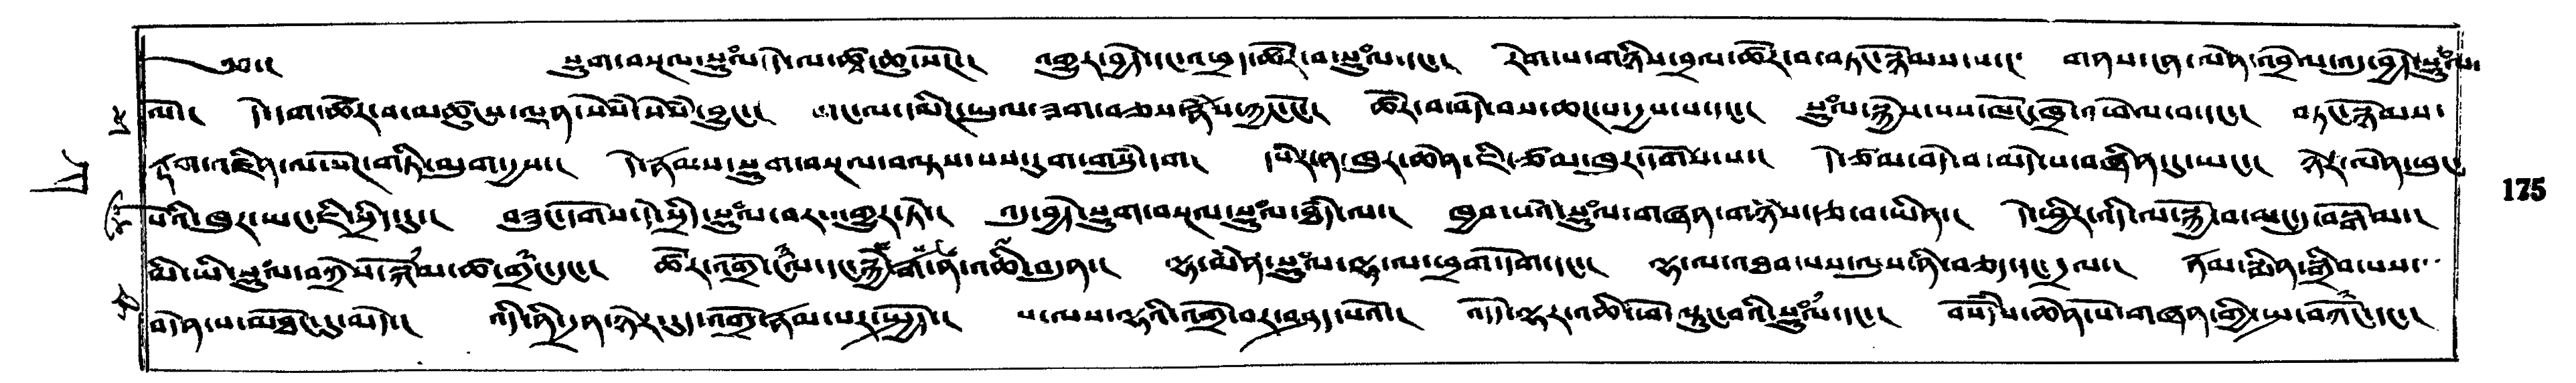།སྡུག་བསྔལ་སྡུག་བསྔལ་དེ་ལ་ཚྭ་ཆུ་སོགས། །འགྱུར་བྱེད་དང་འཕྲད་ཚོར་བ་སྡུག་བསྔལ་དང་། །རེག་པ་གཉིས་བྲལ་ཚོར་བ་བཏང་སྙོམས་པ། །གནས་ངན་ལེན་འབྲེལ་འདུ་བྱེད་སྡུག་བསྔལ་
ལོ། །དེ་དག་ཚོར་བ་མཚུངས་ལྡན་སེམས་སེམས་བྱུང་། །གང་ལ་དམིགས་ཡུལ་ཟག་བཅས་རྣམས་ཀྱང་ངོ་། །ཚོར་བ་བདེ་བས་ཆགས་པ་རྒྱས་པ་དང་། །སྡུག་བསྔལ་སྐྱེས་པས་ཁོང་ཁྲོ་འཕེལ་བ་དང་། །བཏང་སྙོམས་
རྟག་འཛིན་ལ་སོགས་གཏི་མུག་རྒྱས། །དེ་རྣམས་སྡུག་བསྔལ་བལྟས་པས་དུག་གསུམ་དག །དཔེར་ན་ཁུར་ཆེན་ཇི་ཙམ་ཁུར་དགོས་པ། །དེ་ཙམ་བདེ་བ་མེད་པ་བཞིན་དུ་ཡང་། །ཉེར་ལེན་ཕུང་
པོའི་ཁུར་ཡང་ཇི་སྲིད་དུ། །བཟུང་དགོས་དེ་སྲིད་སྡུག་བསྔལ་བར་འགྱུར་ཏེ། །འདུ་བྱེད་སྡུག་བསྔལ་སྡུག་བསྔལ་ཐམས་ཅད་ལ། །ཁྱབ་པའི་སྡུག་བསྔལ་གཞན་གཉིས་རྩ་བ་ཡིན། །དེ་ཕྱིར་འདི་ལ་སྐྱོ་བ་མང་དུ་བསྒོམ། །
མི་ཡི་སྡུག་བསྔལ་བཀྲེས་སྐོམ་ཚ་གྲང་དང་། །ཚོར་འགྲོ་ངལ་དང་སྐྱེ་རྒ་ན་འཆི་བདུན། །ལྷ་མིན་སྡུག་བསྔལ་ལྷ་ལ་ཕྲག་དོག་དང་། །ལྷ་ལ་འཐབ་པས་ལུས་ནི་བཅད་དང་དྲལ། །རྣམ་སྨིན་སྒྲིབ་པས་
བདེན་པ་མཐོང་དུ་མེད། །འདི་ནི་དྲན་ཉེར་དུད་འགྲོ་རྣམ་པར་སྤྱོད། །ས་ལས་ལྷ་ཡི་འགྲོ་བར་བཤད་པའོ། །འདོད་ལྷར་འཆི་འཕོ་ལྟུང་བའི་སྡུག་བསྔལ་དང་། །བསོད་ནམས་ཆེན་པོ་གཞན་གྱི་སྤ་བཀོང་དང་།